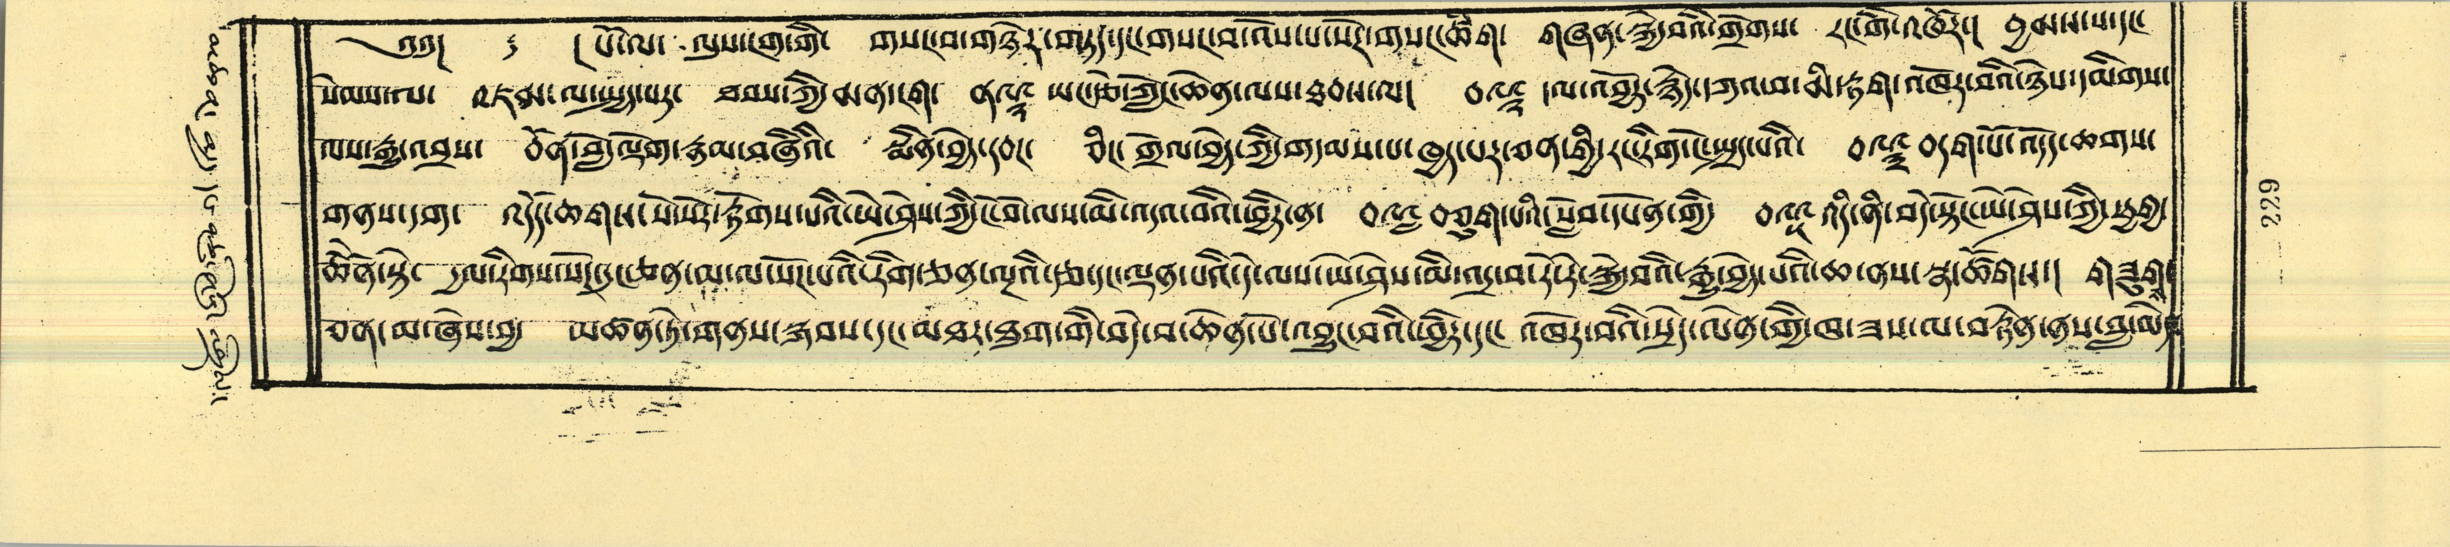༼པོ་ལ་༽ལུས་ངག་གི་གསང་བ་གཉེར་གཏད་དང་གསང་བ་འོས་པ་སོགས་གསང་ ༼ཚིག་གཞན་༽སྐྱེ་བའི་གྲོགས། རང་གི་ ༼འཁོར།༽ ༼བྱམས་པ་དང་
སེམས་ལ། ༼འཇམ་༽ལ་སྤྱད་པར། ཐབས་ཀྱི་ ༼མན་ངག་༽ ན༩༩།༢ ཡང་རྩེ་ཀློང་ཆེན་ལས་ ༼ཐབས་ལ་༽ བ༩༩།༢ དལ་འབྱོར་རྙེད་དཀའ་བ་ ༼མི་རྟག་༽འཁོར་བའི་ཉེས་དམིགས། 
ལས་རྒྱུ་འབྲས། ༼བོན་༽བློ་ལྡོག་རྣམ་བཞིའི། སྨིན་བྱེད་ ༼དབང་ཅིང་༽གྲོལ་བྱེད་ཀྱི་གདམས་པ་ ༼ཁྱད་པར་ཅན་གྱི་༽རང་རིག་ངོ་སྤྲད་པའི་བ༩༩།༣ ༼བདག་པོ་༽འདོད་ཆགས་
གནས་དག་ ༼འདོད་ཆགས་༽སོ་སོར་རྟོགས་པའི་ཡེ་ཤེས་ཀྱི་ངོ་བོ་ལས་མི་འདའ་བའི་ཕྱིར་ན། བ༩༩།༤ ༼བཅུག་པའི་༽སློབ་དཔོན་གྱི་ ༩༩།༥ ༼འདི་ནི་༽བདེ་སྟོང་ཡེ་ཤེས་ཀྱི་ ༼ཕྱག་གྱ་
ཆེན་སྟེ། རྒྱལ་རིགས་སོགས་དུང་ཅན་མ་ལ་སོགས་པའི་རིག་ཅན་ལྔའི་རྩ་དང་ལྡན་པའི་དེ་ལས་ཡེ་ཤེས་མི་འདྲ་བ་རེ་རེ་སྐྱེ་བའི་རྒྱུ་བྱེད་པའི་ཆ་ནས་སྣ་ ༼ཚོགས་༽ ༼གཟུགས་
ཅན་༽མ་ཞེས་བྱ། མཚན་ཏེ་གནས་སྐབས་དང་མཐར་ཐུག་གི་བདེ་བ་ཆེན་པོ་འབྱུང་བའི་ཕྱིར་དང། འཁོར་བའི་སྲེད་ལེན་གྱི་ཁ་ཟས་ལ་བརྟེན་ནས་བླ་མེད་